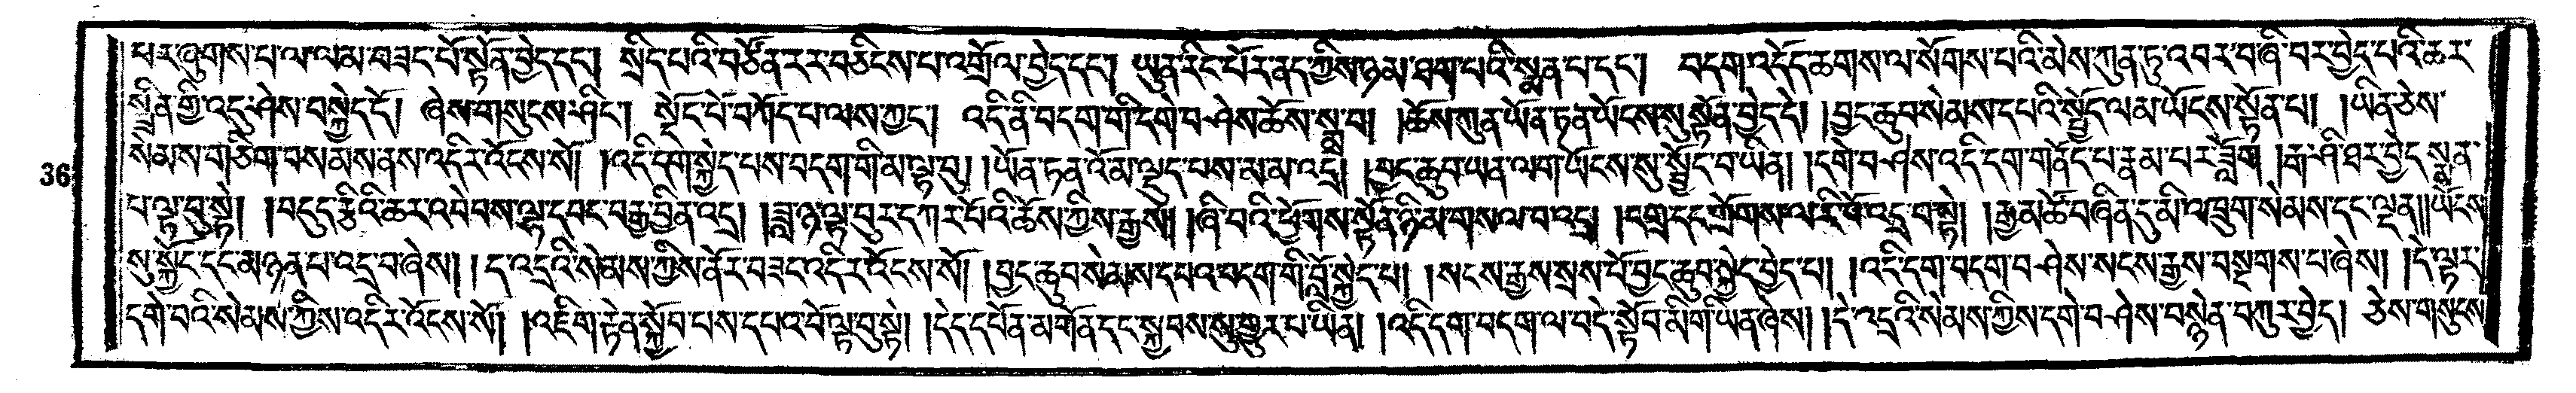ཕར་ཞུགས་པ་ལ་ལམ་བཟང་པོ་སྟོན་བྱེད་དང་། སྲིད་པའི་བཙོན་རར་བཅིངས་པ་འགྲོལ་བྱེད་དང་། ཡུན་རིང་པོར་ནད་ཀྱིས་ཉམ་ཐག་པའི་སྨན་པ་དང་། བདག་འདོད་ཆགས་ལ་སོགས་པའི་མེས་ཀུན་ཏུ་འབར་བ་ཞི་བར་བྱེད་པའི་ཆར་
སྤྲིན་གྱི་འདུ་ཤེས་བསྐྱེད་དོ། ཞེས་གསུངས་ཤིང་། སྡོང་པོ་བཀོད་པ་ལས་ཀྱང་། འདི་ནི་བདག་གི་དགེ་བཤེས་ཆོས་སྨྲ་བ། །ཆོས་ཀུན་ཡོན་ཏན་ཡོངས་སུ་སྟོན་བྱེད་དེ། །བྱང་ཆུབ་སེམས་དཔའི་སྤྱོད་ལམ་ཡོངས་སྟོན་པ། །ཡིན་ཅེས་
སེམས་གཅིག་བསམས་ནས་འདིར་འོངས་སོ། །འདི་དག་སྐྱེད་པས་བདག་གི་མ་ལྟ་བུ། །ཡོན་ཏན་འོ་མ་ལྡུད་པས་མ་མ་འདྲ། །བྱང་ཆུབ་ཡན་ལག་ཡོངས་སུ་སྦྱོད་བ་ཡིན། །དགེ་བཤེས་འདི་དག་གནོད་པ་རྣམ་པར་ཟློག །རྒ་ཤི་ཐར་བྱེད་སྨན་
པ་ལྟ་བུ་སྟེ། །བདུད་རྩིའི་ཆར་འབེབས་ལྷ་དབང་བརྒྱ་བྱིན་འདྲ། །ཟླ་ཉ་ལྟ་བུར་དཀར་པོའི་ཆོས་ཀྱིས་རྒྱས། །ཞི་བའི་ཕྱོགས་སྟོན་ཉི་མ་གསལ་བ་འདྲ། །དགྲ་དང་གྲོགས་ལ་རི་བོ་འདྲ་བ་སྟེ། །རྒྱ་མཚོ་བཞིན་དུ་མི་འཁྲུག་སེམས་དང་ལྡན། །ཡོངས་
སུ་སྐྱོང་དང་མཉན་པ་འདྲ་བ་ཞེས། །ད་འདྲའི་སེམས་ཀྱིས་ནོར་བཟང་འདིར་འོངས་སོ། །བྱང་ཆུབ་སེམས་དཔའ་བདག་གི་བློ་སྐྱེད་པ། །སངས་རྒྱས་སྲས་པོ་བྱང་ཆུབ་སྐྱེད་བྱེད་པ། །འདི་དག་བདག་བཤེས་སངས་རྒྱས་བསྔགས་པ་ཞེས། །དེ་ལྟར་
དགེ་བའི་སེམས་ཀྱིས་འདིར་འོངས་སོ། །འཇིག་རྟེན་སྐྱོབ་པས་དཔའ་བོ་ལྟ་བུ་སྟེ། །དེད་དཔོན་མགོན་དང་སྐྱབས་སྐྱབས་སུ་གྱུར་པ་ཡིན། །འདི་དག་བདག་ལ་བདེ་སྟོབ་མིག་ཡིན་ཞེས། །དེ་འདྲའི་སེམས་ཀྱིས་དགེ་བཤེས་བསྙེན་བཀུར་བྱེད། ཅེས་གསུངས་